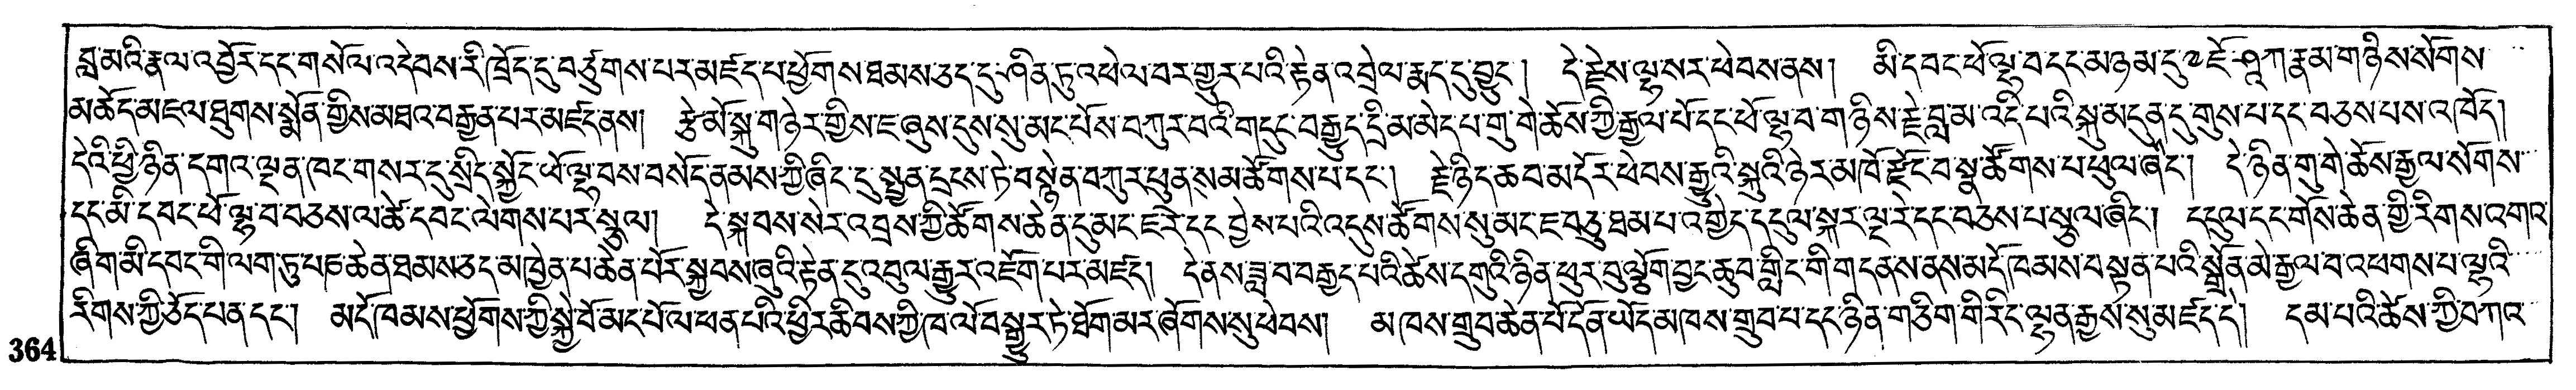བླ་མའི་རྣལ་འབྱོར་དང་གསོལ་འདེབས་རི་ཁྲོད་དུ་བཙུགས་པར་མཛད་པ་ཕྱོགས་ཐམས་ཅད་དུ་ཤིན་ཏུ་འཕེལ་བར་གྱུར་པའི་རྟེན་འབྲེལ་རྨད་དུ་བྱུང་། དེ་རྗེས་ལྷ་སར་ཕེབས་ནས། མི་དབང་ཕོ་ལྷ་པ་དང་མཉམ་དུ་༈ ཇོ་ཤཱཀ་རྣམ་གཉིས་སོགས་
མཆོད་མཇལ་ཐུགས་སྨོན་གྱིས་མཐའ་བརྒྱན་པར་མཛད་ནས། རྩེ་མོ་སྐུ་གཉེར་གྱིས་ཇ་ཞུས་དུས་སུ་མང་པོས་བཀུར་བའི་གདུང་བརྒྱུད་དྲི་མ་མེད་པ་གུ་གེ་ཆོས་ཀྱི་རྒྱལ་པོ་དང་ཕོ་ལྷ་བ་གཉིས་རྗེ་བླ་མ་འདི་པའི་སྐུ་མདུན་དུ་གུས་པ་དང་བཅས་པས་འཁོད།
དེའི་ཕྱི་ཉིན་དགའ་ལྡན་ཁང་གསར་དུ་སྲིད་སྐྱོང་ཕོ་ལྷ་བས་བསོད་ནམས་ཀྱི་ཞིང་དུ་སྤྱན་དྲངས་ཏེ་བསྙེན་བཀུར་ཕུན་སུམ་ཚོགས་པ་དང་། རྗེ་ཉིད་ཆབ་མདོར་ཕེབས་རྒྱུའི་སྐུའི་ཉེར་མཁོ་རྫོང་བ་སྣ་ཚོགས་པ་ཕུལ་ཞིང་། དེ་ཉིན་གུ་གེ་ཆོས་རྒྱལ་སོགས་
དང་མི་དབང་ཕོ་ལྷ་བ་བཅས་ལ་ཚེ་དབང་ལེགས་པར་སྩལ། དེ་སྐབས་སེར་འབྲས་ཀྱི་ཚོགས་ཆེན་དུ་མང་ཇ་རེ་དང་བྱེས་པའི་འདུས་ཚོགས་སུ་མང་ཇ་བཅུ་ཐམ་པ་འགྱེད་དངུལ་སྐར་ལྔ་རེ་དང་བཅས་པ་སྩལ་ཞིང་། དངུལ་དང་གོས་ཆེན་གྱི་རིགས་འགའ་
ཞིག་མི་དབང་གི་ལག་ཏུ་པཎ་ཆེན་ཐམས་ཅད་མཁྱེན་པ་ཆེན་པོར་སྐྱབས་ཞུའི་རྟེན་དུ་འབུལ་རྒྱུར་འཇོག་པར་མཛད། དེ་ནས་ཟླ་བ་བརྒྱད་པའི་ཚེས་དགུའི་ཉིན་ཕུར་བུ་ལྕོག་བྱང་ཆུབ་གླིང་གི་གདན་ས་ནས་མདོ་ཁམས་བསྟན་པའི་སྒྲོན་མེ་རྒྱལ་བ་འཕགས་པ་ལྷའི་
རིགས་ཀྱི་ཅོད་པན་དང་། མདོ་ཁམས་ཕྱོགས་ཀྱི་སྐྱེ་བོ་མང་པོ་ལ་ཕན་པའི་ཕྱིར་ཆི་བས་ཀྱི་ཁ་ལོ་བསྒྱུར་ཏེ་ཐོག་མར་ཞོགས་སུ་ཕེབས། མཁས་གྲུབ་ཆེན་པོ་དོན་ཡོད་མཁས་གྲུབ་པ་དང་ཉིན་གཅིག་གི་རིང་ལྷན་རྒྱས་སུ་མཛད་དེ། དམ་པའི་ཆོས་ཀྱི་བཀའ་